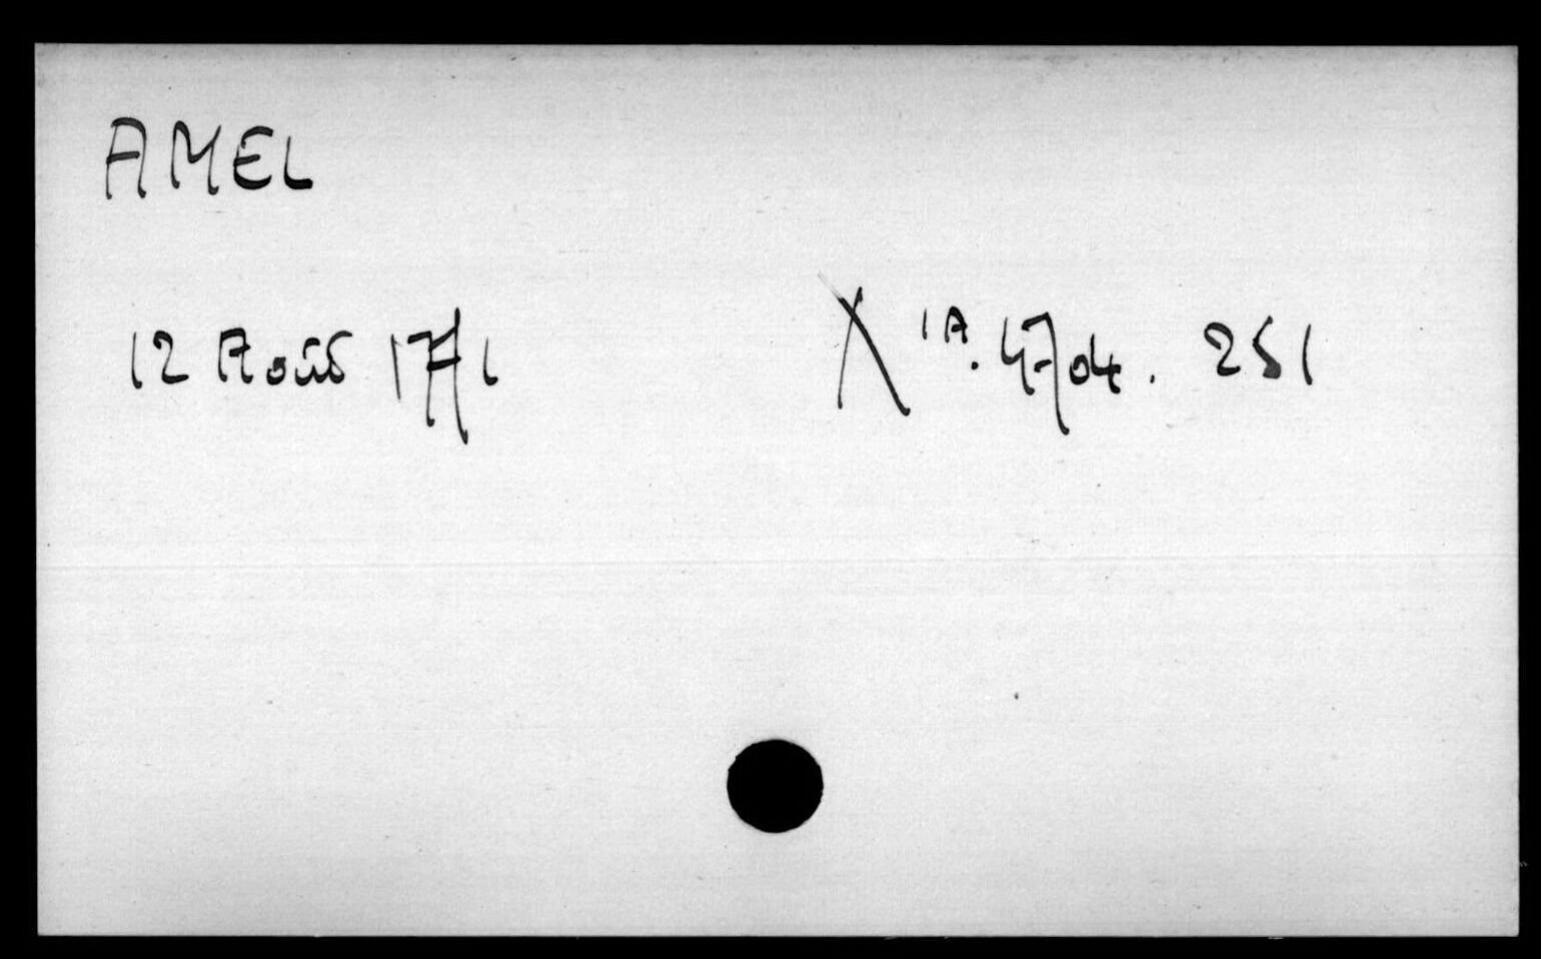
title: AMEL
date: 12 août 1771
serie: X1A
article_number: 4704
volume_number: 251
